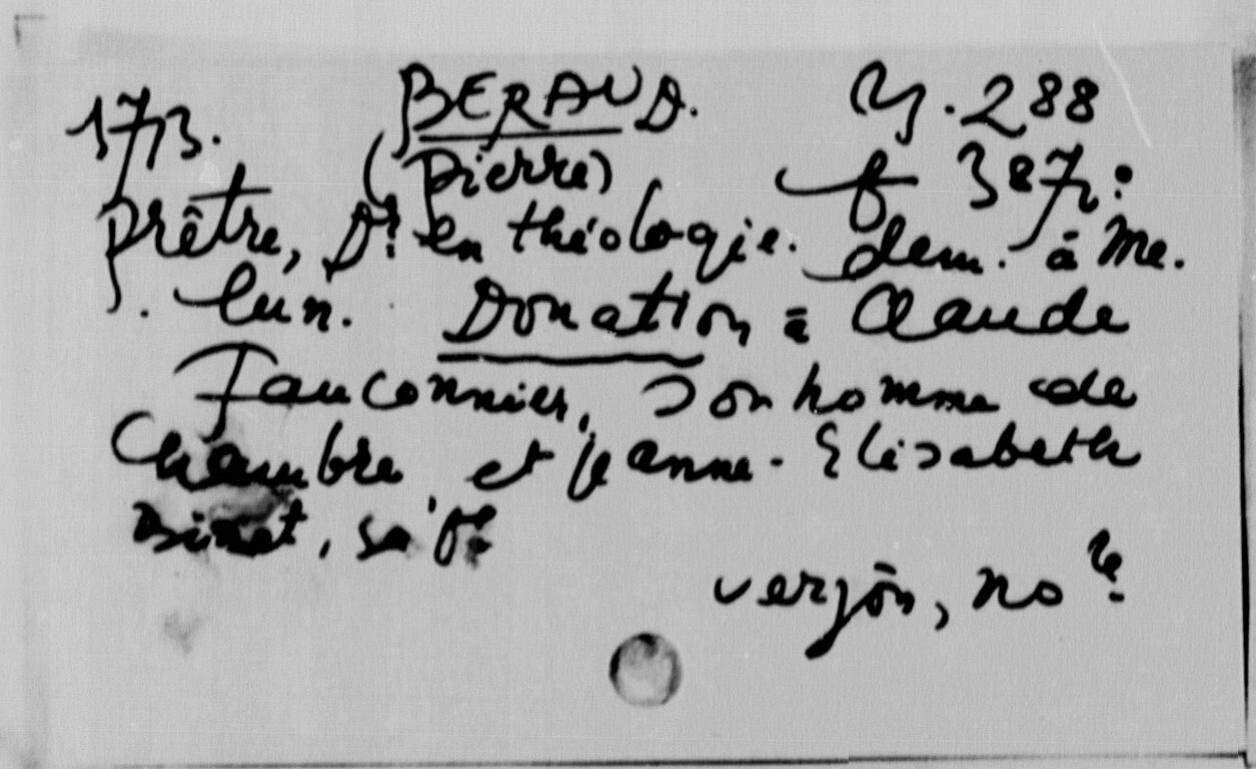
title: BERAUD (Pierre)
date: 1713
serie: Y
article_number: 288
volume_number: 387v
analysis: Prêtre, docteur en théologie, demeurant à Melun. Donation à Claude Fauconnier, son homme de chambre, et Jeanne-Elisabeth Binet, sa femme. Verjon, notaire.
